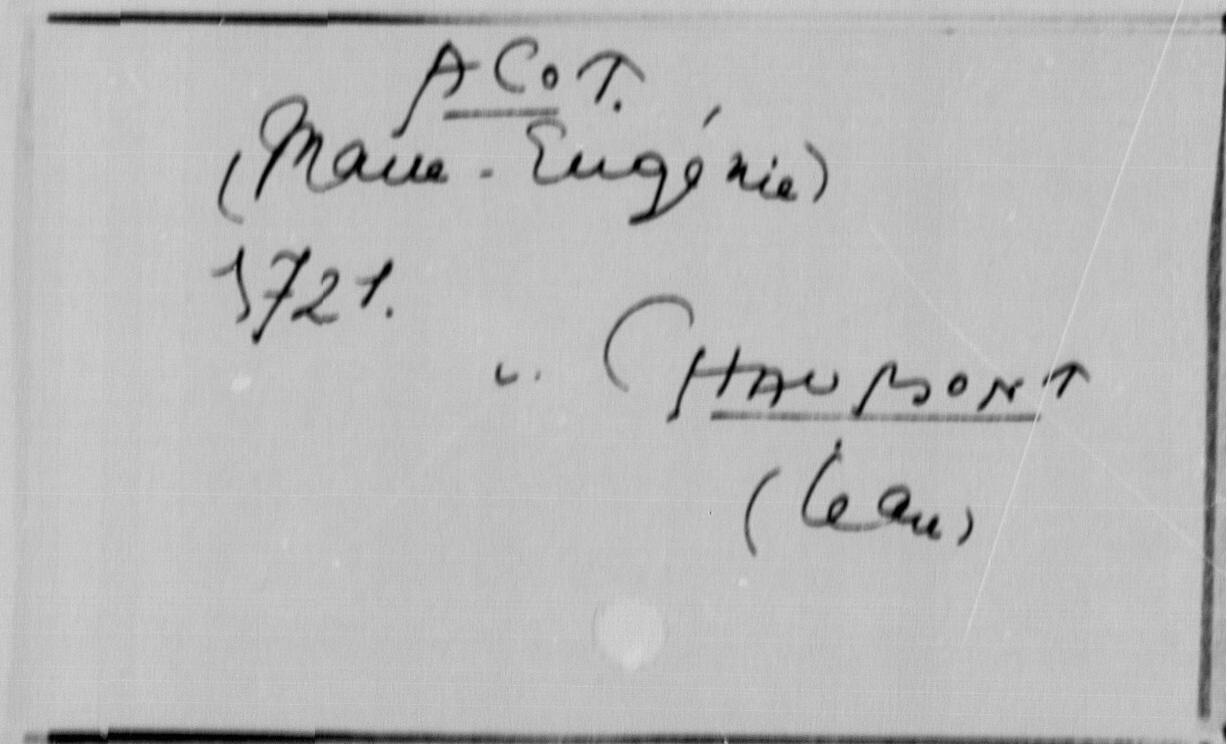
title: ACOT (Marie Eugénie)
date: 1721
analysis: Voir CHAUMONT (Jean)
